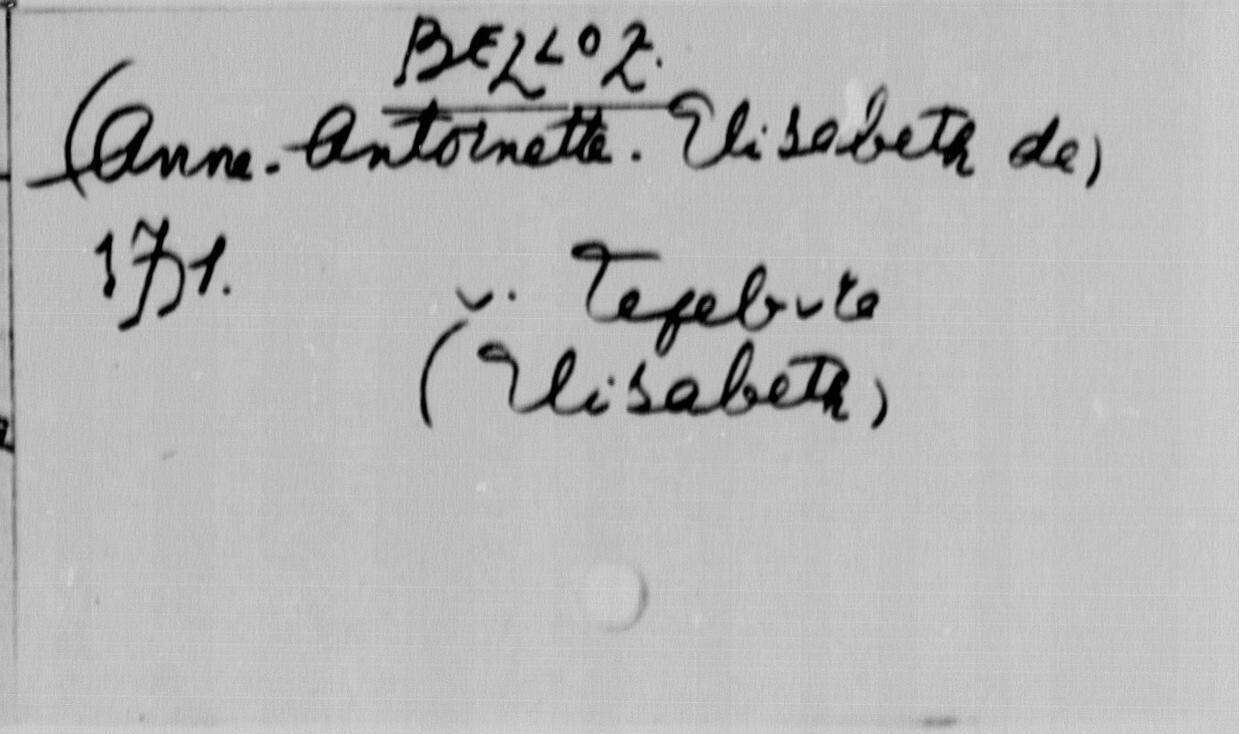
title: BELLOZ (Anne-Antoinette Elisabeth de)
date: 1711
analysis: Voir Lefebvre (Élisabeth)
